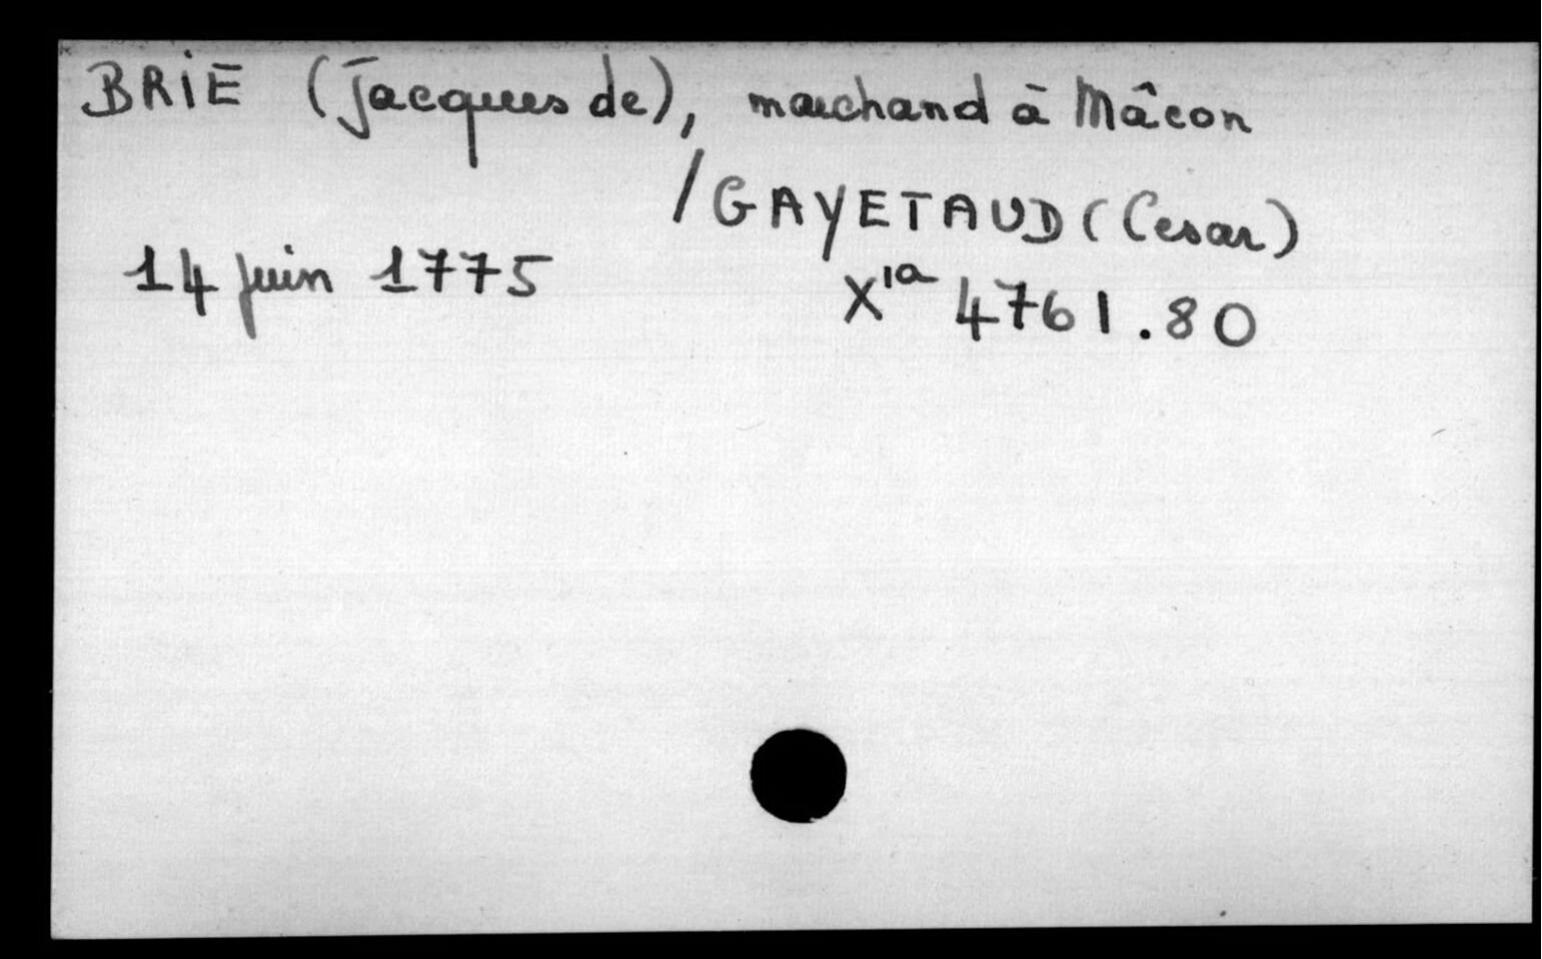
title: BRIE (Jacques de), marchand à Mâcon
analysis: Contre GAYETAUD (Cesar)
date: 14 juin 1775
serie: X1a
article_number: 4761
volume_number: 80
